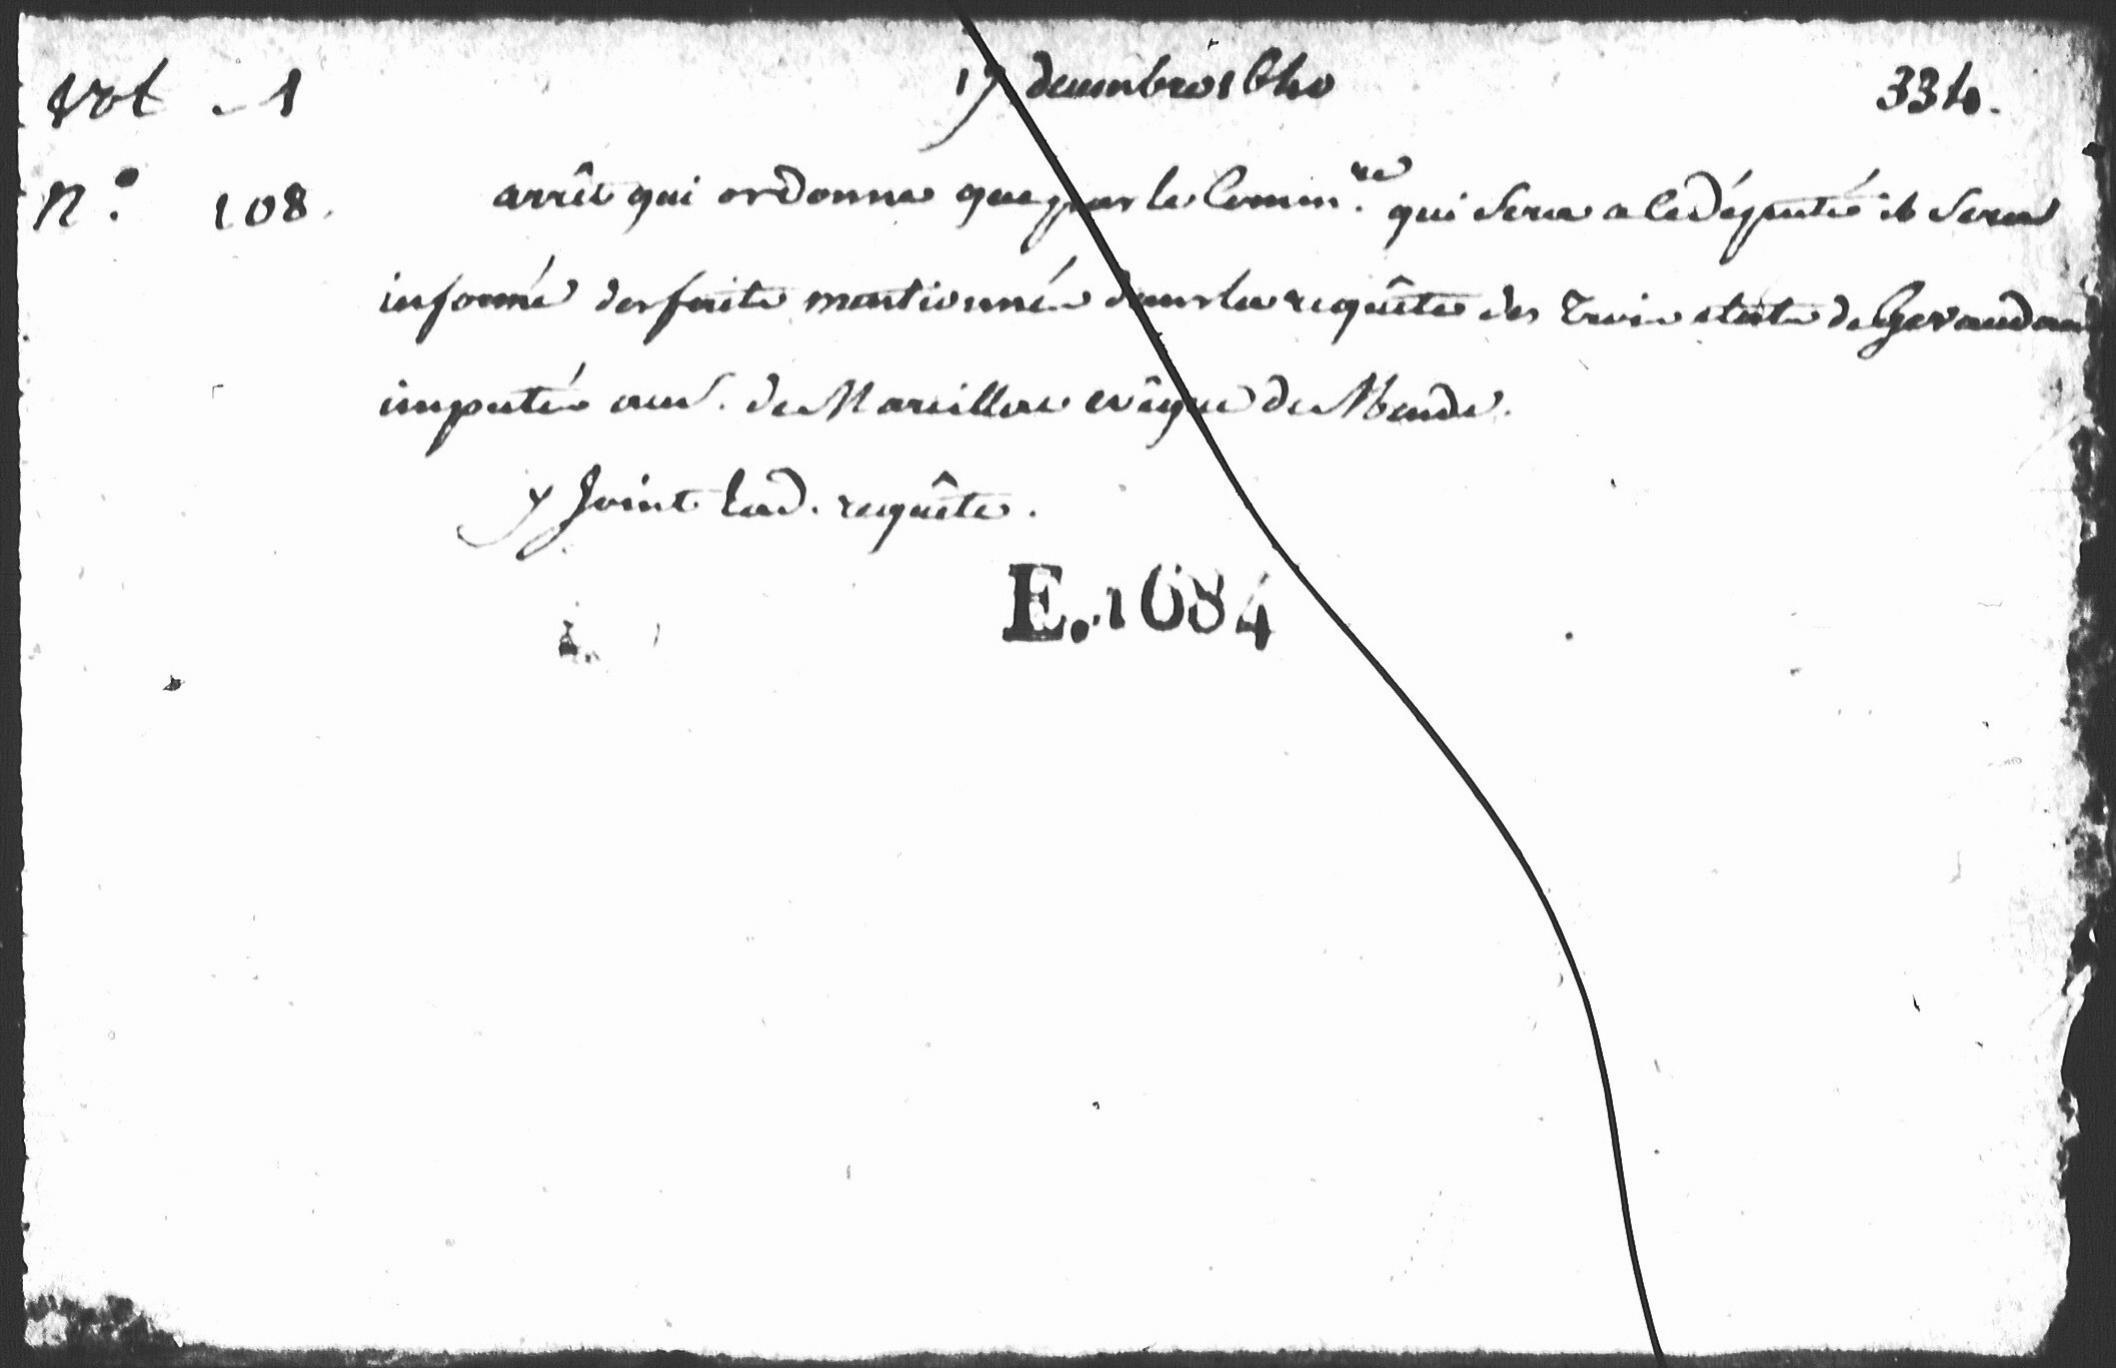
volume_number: n°108
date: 17 décembre 1640
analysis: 334. fiche barrée
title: arrêt qui ordonne que par le Comm.re qui sera a ce député il sera informé des faits mentionnés dans la requête des trois etats de Gevaudan imputés au S. de Marcillac évêque de Mende. y joint la requête
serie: E
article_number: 1684
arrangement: vol. 1
